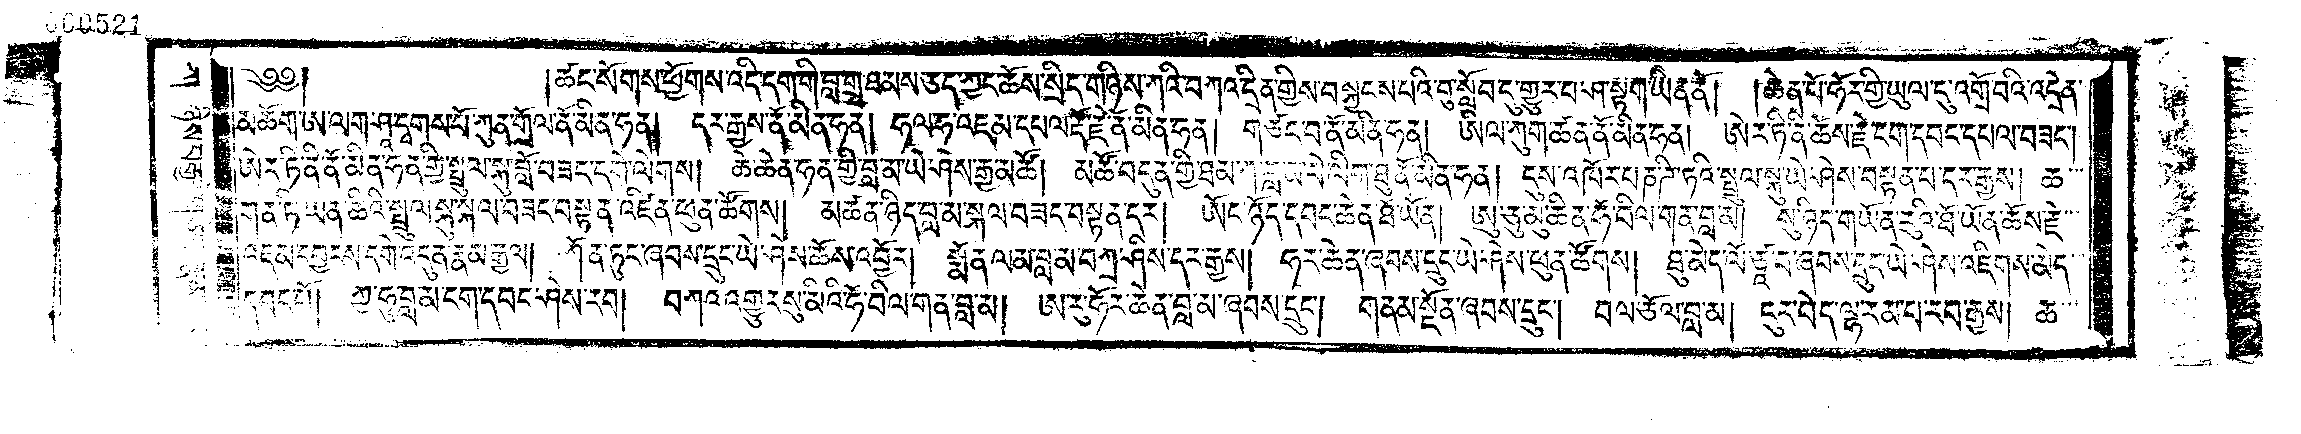༄༅། །ཚང་སོགས་ཕྱོགས་འདི་དག་གི་བླ་གྲྭ་ཐམས་ཅད་ཀྱང་ཆོས་སྲིད་གཉིས་ཀའི་བཀའ་དྲིན་གྱིས་བསྐྱངས་པའི་བུ་སློབ་དུ་གྱུར་པ་ཤ་སྟག་ཡིན་ནོ། །ཆེན་པོ་ཧོར་གྱི་ཡུལ་དུ་འགྲོ་བའི་འདྲེན་
མཆོག་ཨ་ལག་ཤཱ་དྭགས་པོ་ཀུན་གྲོལ་ནོ་མིན་ཧན། དར་རྒྱས་ནོ་མིན་ཧན། ཧལ་ཧ་འཇམ་དཔལ་རྡོ་རྗེ་ནོ་མིན་ཧན། གཙང་བ་ནོ་མིན་ཧན། ཨིལ་ཀུག་ཚན་ནོ་མིན་ཧན། ཨེར་ཏི་ནི་ཆོས་རྗེ་ངག་དབང་དཔལ་བཟང་།
ཨེར་ཏི་ནི་ནོ་མིན་ཧན་གྱི་སྤྲུལ་སྐུ་བློ་བཟང་དགེ་ལེགས། ཆེ་ཆེན་ཧན་གྱི་བླ་མ་ཡེ་ཤེས་རྒྱ་མཚོ། མཚོ་བདུན་གྱི་ཐམ་ཀ་བླ་མ་པེ་ལིག་ཐུ་ནོ་མིན་ཧན། དུས་འཁོར་པཎ་ཌི་ཏའི་སྤྲུལ་སྐུ་ཡེ་ཤེས་བསྟན་བ་དར་རྒྱས། ཆ་
གན་ཏི་ཡན་ཆིའི་སྤྲུལ་སྐུ་སྐལ་བཟང་བསྟན་འཛིན་ཕུན་ཚོགས། མཚན་ཉིད་བླ་མ་སྐལ་བཟང་བསྟན་དར། ཨོང་ཉོད་དབང་ཆེན་ཐོ་ཡོན། ཨུ་ཅུ་མུ་ཆིན་ཧོ་བིལ་གན་བླ་མ། སུ་ཉིད་གཡོན་རུའི་ཐོ་ཡོན་ཆོས་རྗེ་
འཇམ་དབྱངས་དགེ་འདུན་རྣམ་རྒྱལ། ཀོན་ཏུང་ཞབས་དྲུང་ཡེ་ཤེས་ཆོས་འབྱོར། སྨོན་ལམ་བླ་མ་བཀྲ་ཤིས་དར་རྒྱས། ཧར་ཆེན་ཞབས་དྲུང་ཡེ་ཤེས་ཕུན་ཚོགས། ཐུ་མེད་ལོ་ཙཱ་བ་ཞབས་དྲུང་ཡེ་ཤེས་འཇིགས་མེད་
དབང་པོ། ཀྱ་ཧུ་བླ་མ་ངག་དབང་ཤེས་རབ། བཀའ་འགྱུར་སུ་མིའི་ཧོ་བིལ་གན་བླ་མ། ཨ་རུ་ཧོར་ཆེན་བླ་མ་ཞབས་དྲུང་། གནམ་སྔོན་ཞབས་དྲུང་། བལ་ཅོལ་བླ་མ། དུར་བདེ་ལྷ་རམ་པ་རབ་རྒྱས། ཆ་